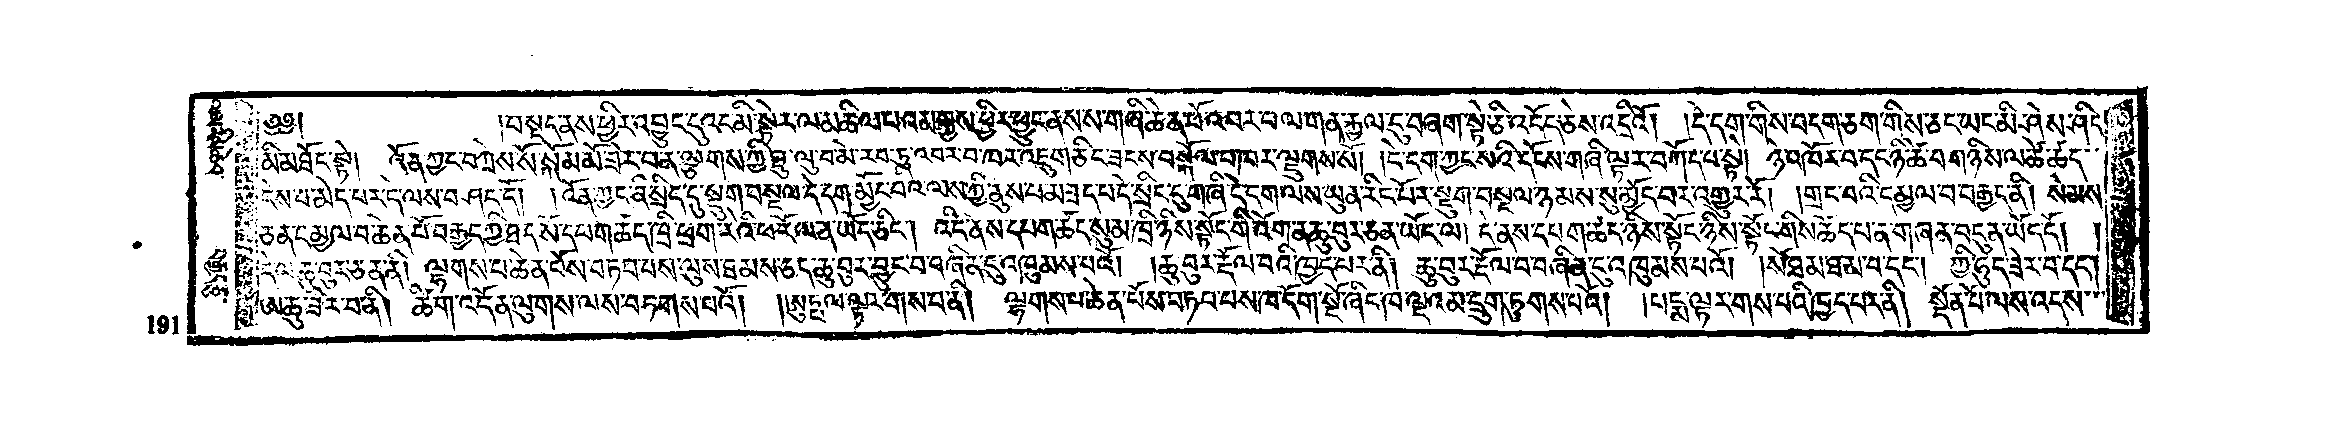༄༅། །བསྡད་ནས་ཕྱིར་འབྱུང་དུའང་མི་སྟེར་ལ་མཆིལ་པའམ་རྒྱས་ཕྱིར་ཕྱུང་ནས་ས་གཞི་ཆེན་པོ་འབར་བ་ལ་གན་རྐྱལ་དུ་བཞག་སྟེ་ཅི་འདོད་ཅེས་འདྲིའོ། །དེ་དག་གིས་བདག་ཅག་གིས་ཅང་ཡང་མི་ཤེས་ཤིང་
མི་མཐོང་སྟེ། འོན་ཀྱང་བཀྲེས་སོ་སྐོམ་མོ་ཟེར་བ་ན་ལྕགས་ཀྱི་ཐུ་ལུམ་མེ་རབ་ཏུ་འབར་བ་ཁར་འཇུག་ཅིང་ཟངས་བསྐོལ་བ་ཁར་ལྡུགས་སོ། །དེ་དག་ཀྱང་སའི་དངོས་གཞི་ལྟར་བཀོད་པ་སྟེ། ཉེ་འཁོར་བ་དང་ཉི་ཚེ་བ་གཉིས་ལ་ཚེ་ཚད་
ངེས་པ་མེད་པར་དེ་ལས་བཤད་དོ། །འོན་ཀྱང་ཇི་སྲིད་དུ་སྡུག་བསྔལ་དེ་དག་མྱོང་བའི་ལས་ཀྱི་ནུས་པ་མ་ཟད་པ་དེ་སྲིད་དུ་གཞི་དེ་དག་ལས་ཡུན་རིང་པོར་སྡུག་བསྔལ་ཉམས་སུ་མྱོང་བར་འགྱུར་རོ། །གྲང་བའི་དམྱལ་བ་བརྒྱད་ནི། སེམས་
ཅན་དམྱལ་བ་ཆེན་པོ་བརྒྱད་ཀྱི་ཐད་སོ་དཔག་ཚད་ཁྲི་ཕྲག་རེའི་ཕ་རོལ་ན་ཡོད་ཅིང་། འདི་ནས་དཔག་ཚད་སུམ་ཁྲི་ཉིས་སྟོང་གི་འོག་ན་ཆུ་བུར་ཅན་ཡོད་ལ། དེ་ནས་དཔག་ཚད་ཉིས་སྟོང་ཉིས་སྟོང་གིས་ཆོད་པ་ན་གཞན་བདུན་ཡོད་དོ། །
དེ་ལ་ཆུ་བུར་ཅན་ནི། ལྷགས་པ་ཆེན་པོས་བཏབ་པས་ལུས་ཐམས་ཅད་ཆུ་བུར་བྱུང་བ་བཞིན་དུ་འཁུམས་པའོ། །ཆུ་བུར་རྡོལ་བའི་ཁྱད་པར་ནི། ཆུ་བུར་རྡོལ་བ་བཞིན་དུ་འཁུམས་པའོ། །སོ་ཐམ་ཐམ་པ་དང་། ཀྱི་ཧུད་ཟེར་བ་དང་།
ཨ་ཆུ་ཟེར་བ་ནི། ཚིག་འདོན་ལུགས་ལས་བཏགས་པའོ། །ཨུཏྤལ་ལྟར་གས་པ་ནི། ལྷགས་པ་ཆེན་པོས་བཏབ་པས་ཁ་དོག་སྔོ་ཞིང་ཁ་ལྔཱམ་དྲུག་ཏུ་གས་པའོ། །པདམ་ལྟར་གས་པའི་ཁྱད་པར་ནི། སྔོན་པོ་ལས་འདས་